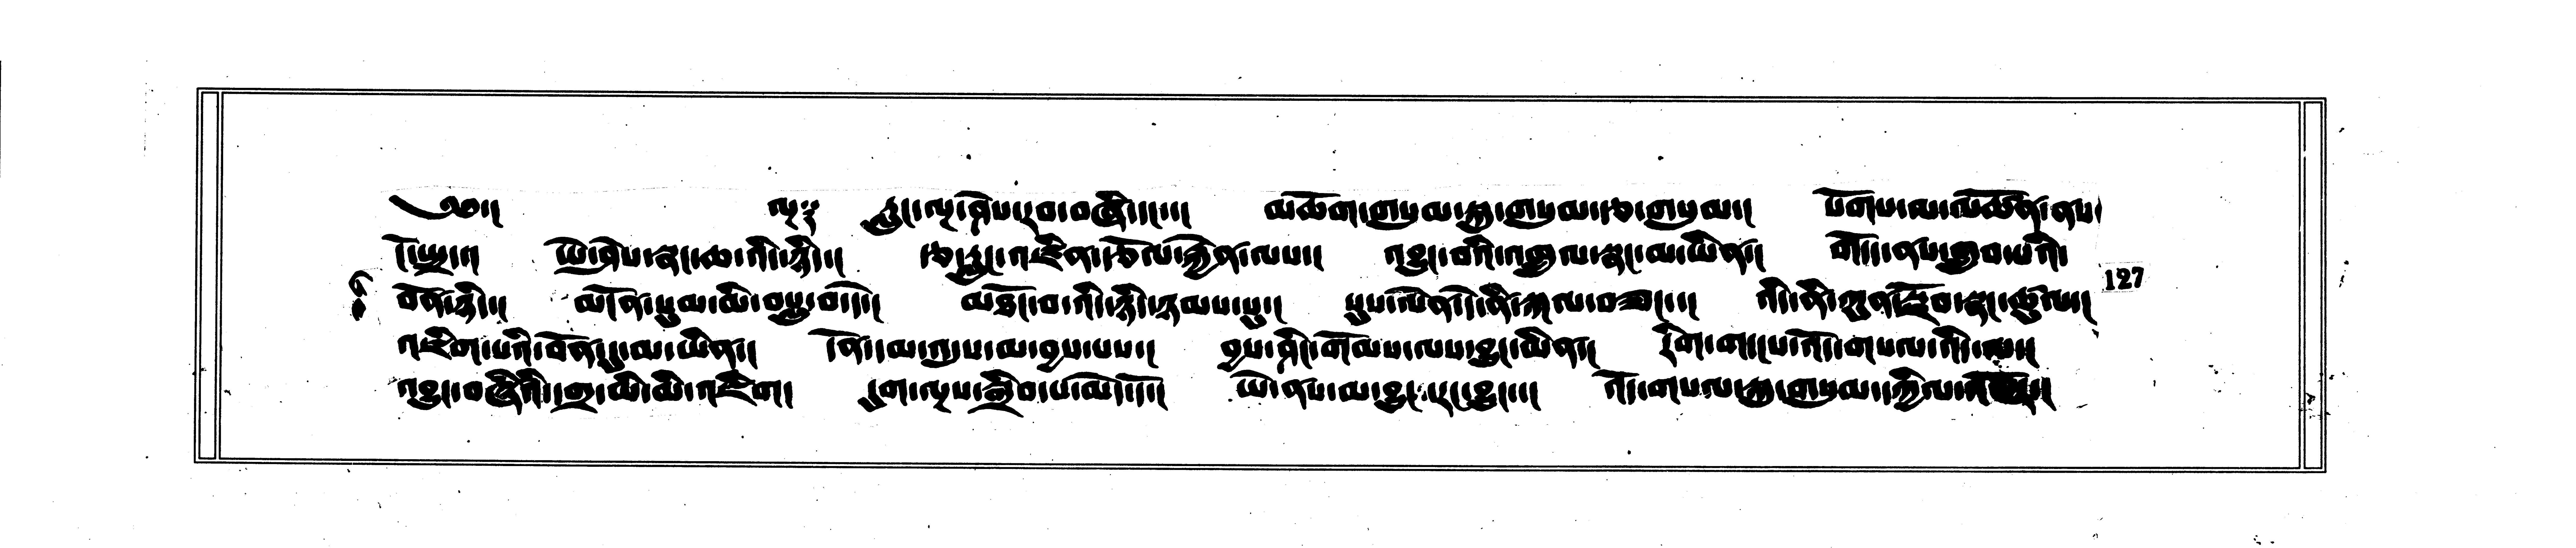ལྔ། །རླུང་ལྔ་ཤེས་རབ་བཞི་དང་། །མཆོག་གསུམ་སྐུ་གསུམ་རྩ་གསུམ། །སོགས་ལ་མཚོན་ནས་
ངོ་སྤྲད། །ཡེ་ཤེས་སྣང་ཆ་འདི་ཉིད། །རྩ་རླུང་འཛིན་རྩོལ་རྐྱེན་ལས། །འབྱུང་བའི་འཁྲུལ་སྣང་མ་ཡིན། །གདོད་ནས་གྲུབ་པའི་
བོན་ཉིད། །མངོན་སུམ་མི་བསླུ་བ་དེ། །མཐོང་བ་འདི་ཉིད་ཉམས་སུ། །སུས་ལེན་དེ་ནི་སྐལ་བཟང་། །འདི་ནི་ཀུན་རྫོབ་སྣང་ཚུལ། །
འཇིག་པའི་བོན་དུ་མ་ཡིན། །དོན་དམ་འདུས་མ་བྱས་པས། །བྱས་ཤིང་གོམས་ལས་བྱུང་མིན། །རིག་གདངས་འོད་གསལ་ཉིད་ལས། །
འབྱུང་བཞིའི་དགྲ་ཡིས་མི་འཇིག །དུག་ལྔས་བསྒྲིབ་པ་མེད་དོ། །ཡེ་ནས་མ་བྱུང་རང་འབྱུང་། །འོད་གསལ་སྐུ་གསུམ་དཀྱིལ་འཁོར། །